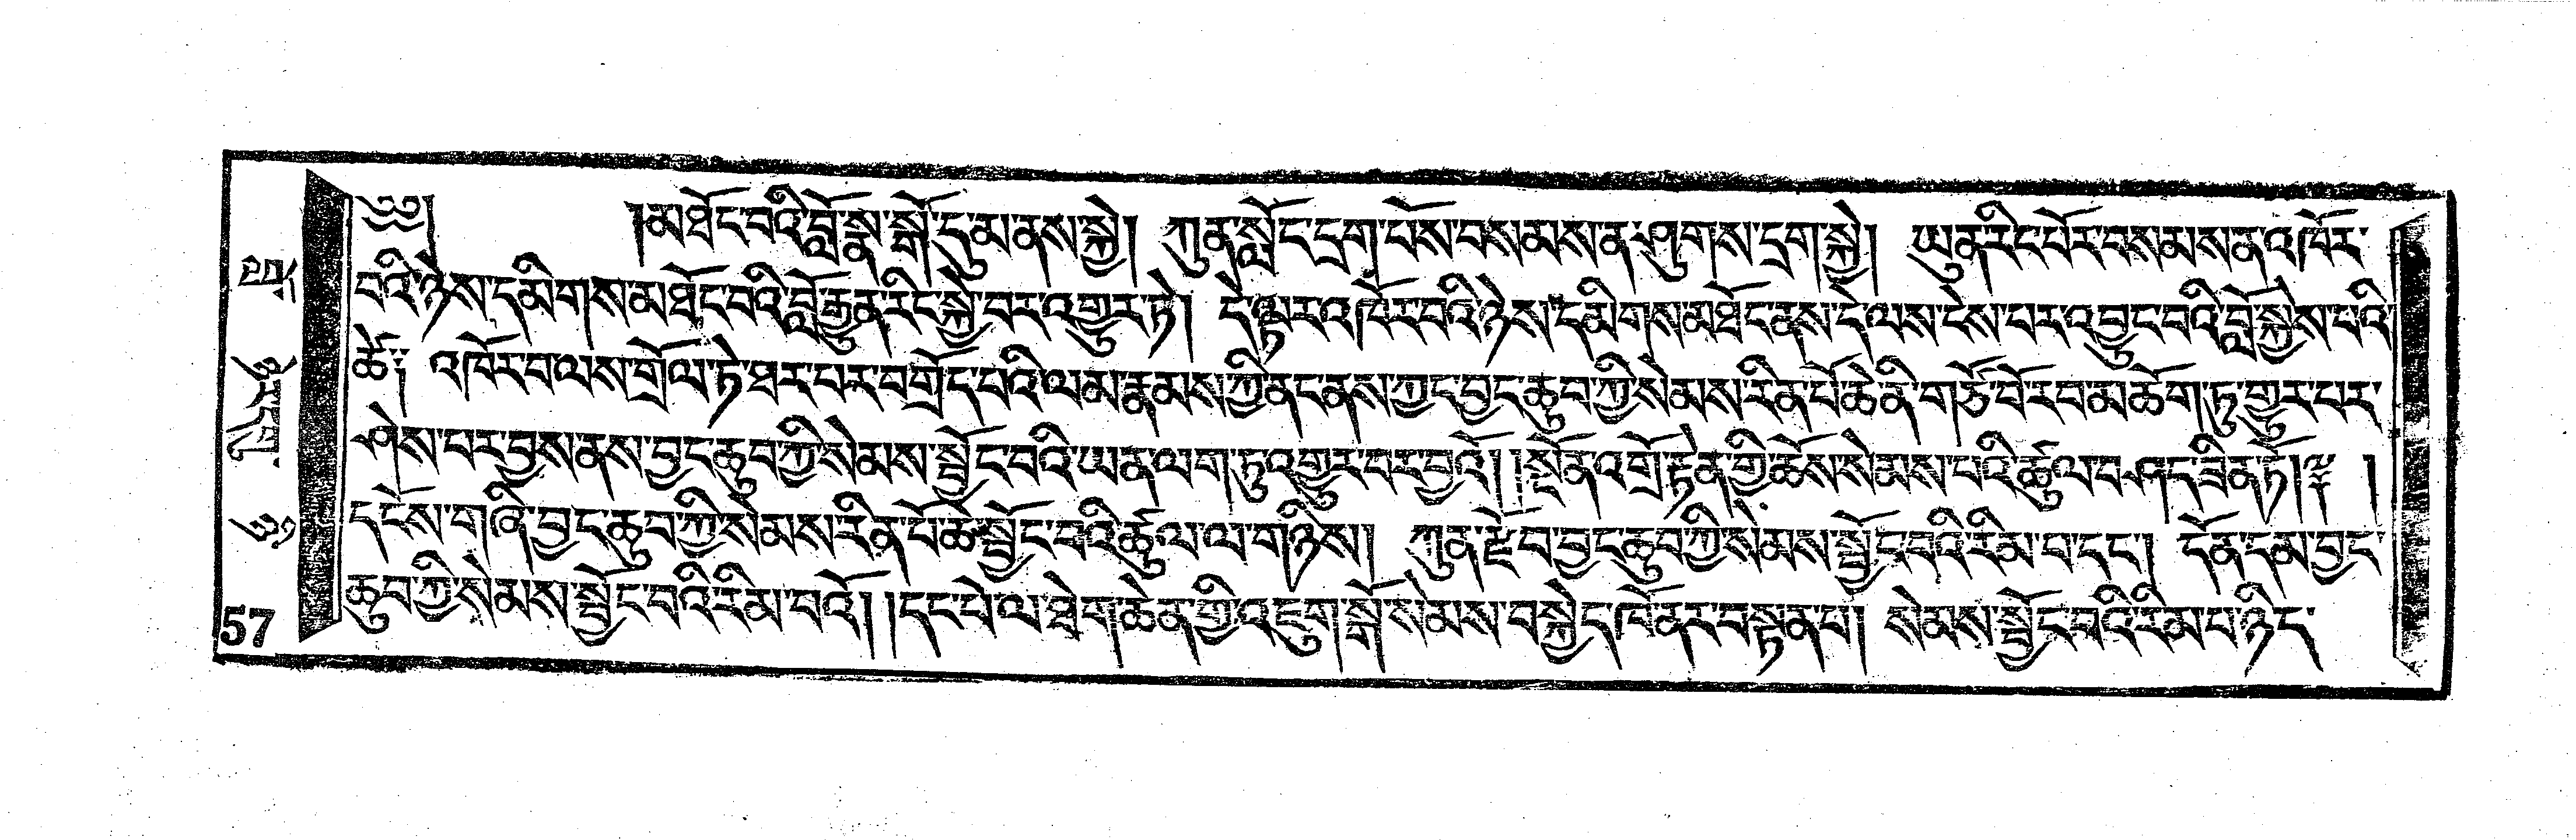༄༅། །མཐོང་བའི་བློ་སྣ་སྒོ་དུ་མ་ནས་སྐྱེ། ཀུན་སློང་དྲག་པོས་བསམས་ན་ཤུགས་དྲག་སྐྱེ། ཡུན་རིང་པོར་བསམས་ན་འཁོར་
བའི་ཉེས་དམིགས་མཐོང་བའི་བློ་རྒྱུན་རིང་སྐྱེ་བར་འགྱུར་ཏེ། དེ་ལྟར་འཁོར་བའི་ཉེས་དམིགས་མཐོང་ནས་དེ་ལས་ངེས་པར་འབྱུང་བའི་བློ་སྐྱེས་པའི་
ཚེ༑ འཁོར་བ་ལས་གྲོལ་ཏེ་ཐར་པར་བགྲོད་པའི་ལམ་རྣམས་ཀྱི་ནང་ནས་ཀྱང་བྱང་ཆུབ་ཀྱི་སེམས་རིན་པོ་ཆེ་ནི་གཙོ་བོ་རབ་མཆོག་ཏུ་གྱུར་པར་
ཤེས་པར་བྱས་ནས་བྱང་ཆུབ་ཀྱི་སེམས་སྦྱོང་བའི་ཡན་ལག་ཏུ་འགྱུར་བར་བྱའོ། །སྔོན་འགྲོ་རྟེན་གྱི་ཆོས་སེམས་པའི་ཚུལ་བཤད་ཟིན་ཏོ། ༈ །
དངོས་གཞི་བྱང་ཆུབ་ཀྱི་སེམས་རིན་པོ་ཆེ་སྦྱོང་བའི་ཚུལ་ལ་གཉིས། ཀུན་རྫོབ་བྱང་ཆུབ་ཀྱི་སེམས་སྦྱོང་བའི་རིམ་པ་དང་། དོན་དམ་བྱང་
ཆུབ་ཀྱི་སེམས་སྦྱོང་བའི་རིམ་པའོ། །དང་པོ་ལ་ཐེག་ཆེན་གྱི་འཇུག་སྒོ་སེམས་བསྐྱེད་ཁོ་ནར་བསྟན་པ། སེམས་སྦྱོང་བའི་རིམ་པ་ཉིད་